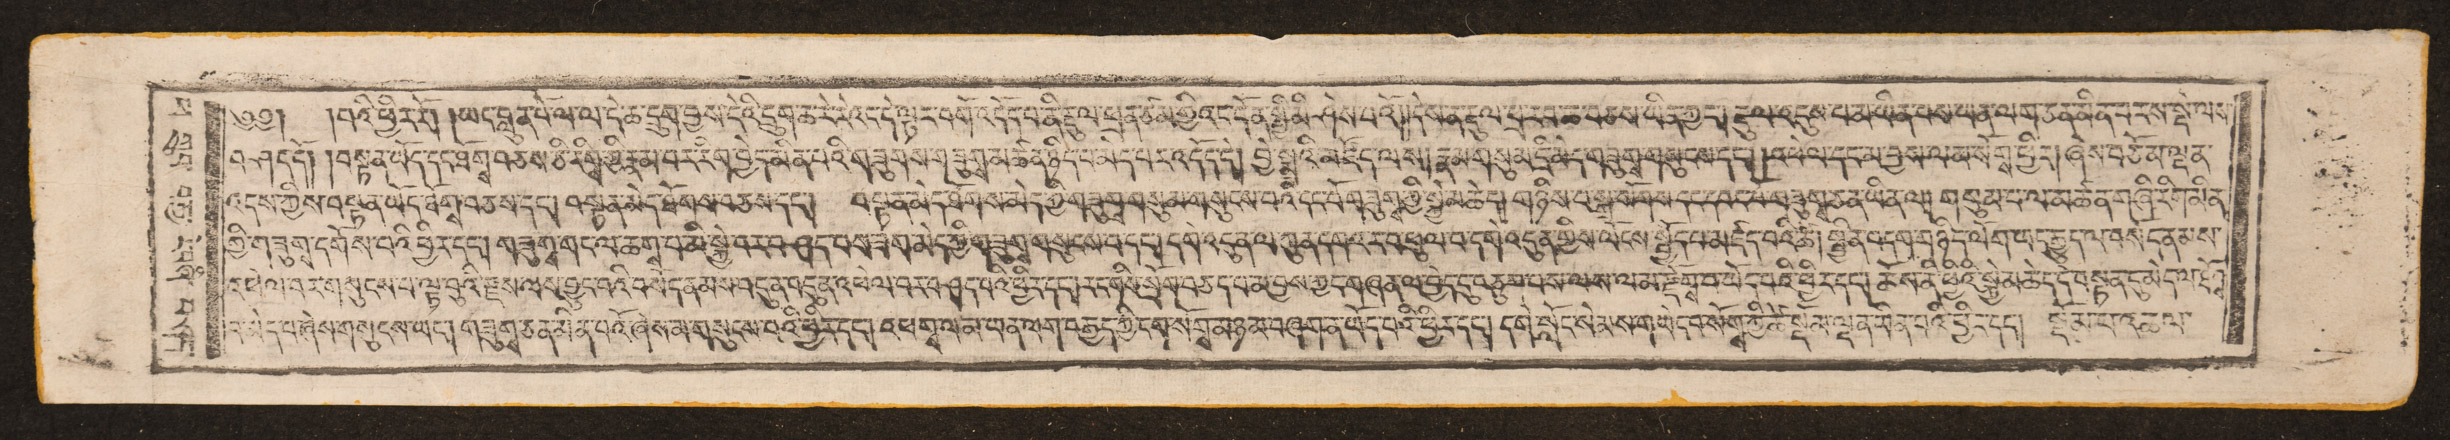༄༅། །པའི་ཕྱིར་རོ། །ཡང་བླུན་པོ་ལ་ལ་དེ་ཆ་དྲུག་བྱས་དེའི་དྲུག་ཆ་རེ་རེའང་དེ་ལྟར་བགོ་འདོད་པ་ནི་རྡུལ་ཕྲན་ཙམ་གྱིའང་དོན་སྤྱི་མི་ཤེས་པའོ། །དེས་ན་རྡུལ་ཕྲ་རབ་ཆ་བཅས་ཡིན་ཀྱང་། རྡུལ་འདུས་པ་མ་ཡིན་པས་ཡན་ལག་ཅན་མིན་པ་རས་སྡེ་ལས་
བཤད་དོ། །བསྟན་ཡོད་དང་ཐོགས་བཅས་ཅི་རིགས་ཀྱི་རྣམ་པར་རིག་བྱེད་མིན་པའི་གཟུགས་གཟུགས་མཚན་ཉིད་པ་མེད་པར་འདོད་དེ། བྱེ་སྨྲའི་མཛོད་ལས། རྣམ་གསུམ་དྲི་མེད་གཟུགས་གསུངས་དང་། །འཕེལ་དང་མ་བྱས་ལམ་སོགས་ཕྱིར། ཞེས་བཅོམ་ལྡན་
འདས་ཀྱིས་བསྟན་ཡོད་ཐོགས་བཅས་དང་། བསྟན་མེད་ཐོགས་བཅས་དང་། བསྟན་མེད་ཐོགས་མེད་ཀྱི་གཟུགས་གསུམ་གསུངས་བའི་དང་པོ་གཟུགས་ཀྱི་སྐྱེ་མཆེད། གཉིས་པ་སྒྲ་སོགས་དང་དབང་པོ་གཟུགས་ཅན་ཡིན་ལ། གསུམ་པ་ལ་མཚན་གཞི་རིག་མིན་
གྱི་གཟུགས་དགོས་པའི་ཕྱིར་དང་། གཟུགས་གང་ལ་ཆགས་པ་མི་སྐྱེ་བར་བཤད་པས་ཟག་མེད་ཀྱི་གཟུགས་གསུངས་པ་དང་། དགེ་འདུན་ལ་ཀུན་དགའ་རབ་ཕུལ་བ་དགེ་འདུན་གྱིས་ལོངས་སྤྱོད་པ་མཛད་པའི་ཚེ། སྦྱིན་བདག་གཉིད་ལོག་ཡང་རྒྱུད་ལ་བསོད་ནམས་
འཕེལ་བར་གསུངས་པ་ལྟ་བུའི་རྫས་ལས་བྱུང་བའི་བསོད་ནམས་འདུན་འདུན་འཕེལ་བར་བཤད་པའི་ཕྱིར་དང་། རང་གིས་སྲོག་བཅད་པ་མ་བྱས་ཀྱང་གཞན་ལ་བྱེད་དུ་བཅུག་པས་ལས་ལམ་རྫོགས་པ་ཡོད་པའི་ཕྱིར་དང་། ཆོས་ནི་ཕྱིའི་སྐྱེ་མཆེད་དེ་བསྟན་དུ་མེད་ལ་ཐོགས་
བ་མེད་པ་ཞེས་གསུངས་ཡང་། གཟུགས་ཅན་མིན་པའོ་ཞེས་མ་གསུངས་པའི་ཕྱིར་དང་། འཕགས་ལམ་ཡན་ལག་བརྒྱད་ཀྱི་ངག་སོགས་མཉམ་བཞག་ན་ཡོད་པའི་ཕྱིར་དང་། དགེ་སློང་སེམས་གཡེང་བ་སོགས་ཀྱི་ཚེ་སྡོམ་ལྡན་ཡིན་པའི་ཕྱིར་དང་། སྡོམ་པ་འཆལ་